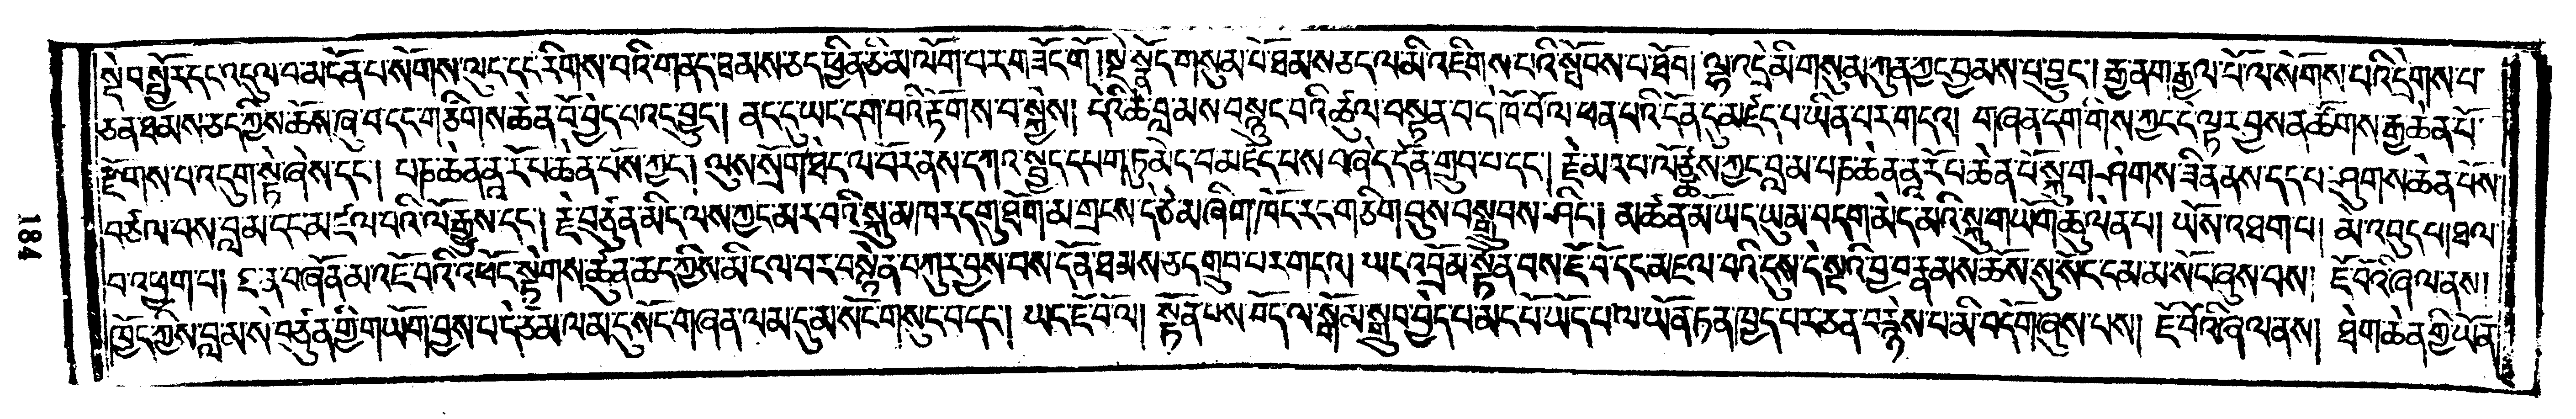སྡེབ་སྦྱོར་དང་འདུལ་བ་མངོན་པ་སོགས་ལུང་དང་རིགས་བའི་གནད་ཐམས་ཅད་ཕྱིན་ཅི་མ་ལོག་པར་གཟོང་གོ །སྡེ་སྣོད་གསུམ་པོ་ཐམས་ཅད་ལ་མི་འཇིགས་པའི་སྤོབས་པ་ཐོབ། ལྷ་འདྲེ་མི་གསུམ་ཀུན་ཀྱང་བྱམས་པ་བྱུང་། རྒྱ་ནག་རྒྱལ་པོ་ལ་སོགས་པའི་དྲེགས་པ་
ཅན་ཐམས་ཅད་ཀྱིས་ཆོས་ཞུ་བ་དང་གཅིགས་ཆེན་པོ་བྱེད་པའང་བྱུང་། ནང་དུ་ཡང་དག་པའི་རྟོགས་བ་སྐྱེས། དེའི་ཚེ་བླ་མས་བསྙུང་བའི་ཚུལ་བསྟན་པ་དེ་ཁོ་བོ་ལ་ཕན་པའི་དོན་དུ་མཛད་པ་ཡིན་པར་གདའ། གཞན་དག་གིས་ཀྱང་དེ་ལྟར་བྱས་ན་ཚོགས་རྒྱ་ཆེན་པོ་
རྫོགས་པ་འདུག་སྟེ་ཞེས་དང་། པཎ་ཆེན་ནཱ་རོ་པ་ཆེན་པོས་ཀྱང་། ལུས་སྲོག་ཐེད་ལ་བོར་ནས་དཀའ་སྤྱད་དཔག་ཏུ་མེད་པ་མཛད་པས་བཞེད་དོན་གྲུབ་པ་དང་། རྗེ་མར་པ་ལོཙྪས་ཀྱང་བླ་མ་པཎ་ཆེན་ནཱ་རོ་པ་ཆེན་པོ་སྐུ་གཤེགས་ཟིན་ནས་དད་པ་ཤུགས་ཆེན་པོས་
བཙལ་བས་བླ་མ་དང་མཛལ་བའི་ལོ་རྒྱུས་དང་། རྗེ་བཙུན་མིང་ལས་ཀྱང་མར་བའི་སྐུ་མཁར་དགུ་ཐོག་མ་གྲངས་དེ་ཙམ་ཞིག་ཁོང་རང་གཅིག་བུས་བསྒྲུབས་ཤིང་། མཚན་མོ་ཡང་ཡུམ་བདག་མེད་མའི་སྐུ་གཡོག་ཆུ་ལེན་པ། ཡོས་འཐག་པ། མེ་འབུད་པ། ཐལ་
བ་འཕྱག་པ། ཐ་ན་བཞོན་མ་འཇོ་བའི་འཕོང་སྟེགས་ཚུན་ཆད་ཀྱིས་མི་ངལ་བར་བསྙེན་བཀུར་བྱས་བས་དོན་ཐམས་ཅད་གྲུབ་པར་གདའ། ཡང་འབྲོམ་སྟོན་བས་ཇོ་བོ་དང་མཇལ་བའི་དུས་དེ་སྔའི་བྱ་བ་རྣམས་ཆོས་སུ་སོང་ངམ་མ་སོང་ཞུས་པས། ཇོ་བོའི་ཞལ་ནས།
ཁྱོད་ཀྱིས་བླ་མ་སེ་བཙུན་གྱི་གཡོག་བྱས་པ་དེ་ཙམ་ལམ་དུ་སོང་གཞན་ལམ་དུ་མ་སོང་གསུང་བ་དང་། ཡང་ཇོ་བོ་ལ། སྟོན་པས་བོད་ལ་སྒོམ་སྒྲུབ་བྱེད་པ་མང་པོ་ཡོད་པ་ལ་ཡོན་ཏན་ཁྱད་པར་ཅན་བརྙེས་པ་མི་བདོག་ཞུས་པས། ཇོ་བོའི་ཞལ་ནས། ཐེག་ཆེན་གྱི་ཡོན་